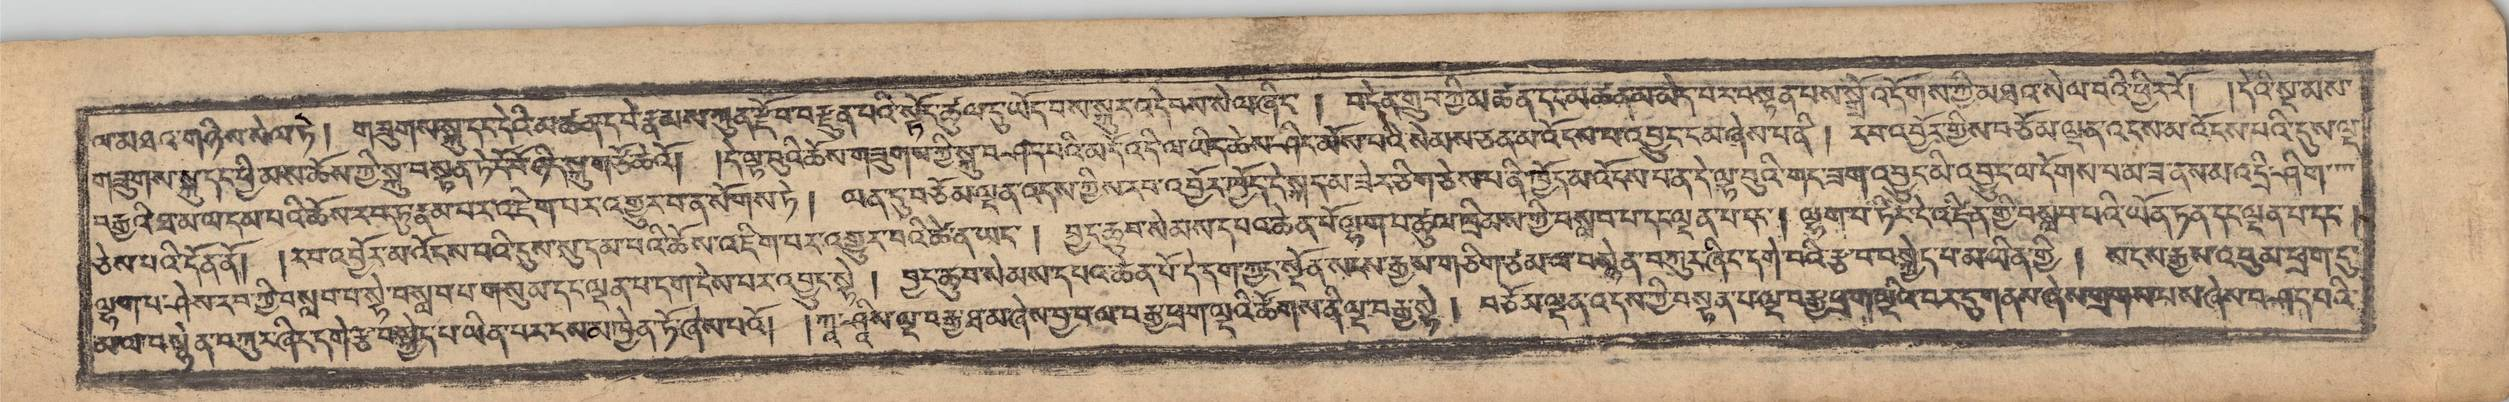ལ་མཐའ་གཉིས་སེལ་ཏེ། གཟུགས་སྐུ་དང་དེའི་མཚན་དཔེ་རྣམས་ཀུན་རྫོབ་བརྫུན་པའི་སྟོང་ཚུལ་དུ་ཡོད་པས་སྐུར་འདེབས་སེལ་ཞིང་། བདེན་གྲུབ་ཀྱི་མཚན་དང་མཚན་མ་མེད་པར་བསྟན་པས་སྒྲོ་འདོགས་ཀྱི་མཐའ་སེལ་བའི་ཕྱིར་རོ། །དེའི་སྔ་མས་
གཟུགས་སྐུ་དང་ཕྱི་མས་ཆོས་ཀྱི་སྐུ་བསྟན་ཏེ་ངོ་བོ་ཉིད་སྐུ་གཙོ་ཆེའོ། །དེ་ལྟ་བུའི་ཆོས་གཟུགས་ཀྱི་སྐུ་བཤད་པའི་མདོ་འདི་ལ་ཡིད་ཆེས་ཤིང་མོས་པའི་སེམས་ཅན་མ་འོངས་པ་འབྱུང་ངམ་ཞེས་པ་ནི། རབ་འབྱོར་གྱིས་བཅོམ་ལྡན་འདས་མ་འོངས་པའི་དུས་ལྔ་
བརྒྱའི་ཐ་མ་ལ་དམ་པའི་ཆོས་རབ་ཏུ་རྣམ་པར་འཇིག་པར་འགྱུར་བ་ན་སོགས་ཏེ། ལན་དུ་བཅོམ་ལྡན་འདས་ཀྱིས་རབ་འབྱོར་ཁྱོད་དེ་སྐད་མ་ཟེར་ཅིག་ཅེས་པ་ནི་ཁྱོད་མ་འོངས་པ་ན་དེ་ལྟ་བུའི་གང་ཟག་འབྱུང་མི་འབྱུང་ལ་དོགས་པ་མ་ཟ་ནས་མ་འདྲི་ཤིག་
ཅེས་པའི་དོན་ནོ། །རབ་འབྱོར་མ་འོངས་པའི་དུས་སུ་དམ་པའི་ཆོས་འཇིག་པར་འགྱུར་བའི་ཚེ་ན་ཡང་། བྱང་ཆུབ་སེམས་དཔའ་ཆེན་པོ་ལྷག་པ་ཚུལ་ཁྲིམས་ཀྱི་བསླབ་པ་དང་ལྡན་པ་དང་། ལྷག་པ་ཏིང་ངེ་འཛིན་གྱི་བསླབ་པའི་ཡོན་ཏན་དང་ལྡན་པ་དང་།
ལྷག་པ་ཤེས་རབ་གྱི་བསླབ་པ་གསུམ་དང་ལྡན་པ་དག་ངེས་པར་འབྱུང་སྟེ། བྱང་ཆུབ་སེམས་དཔའ་ཆེན་པོ་དེ་དག་ཀྱང་སྔོན་སངས་རྒྱས་གཅིག་ཙམ་ལ་བསྙེན་བཀུར་ཞིང་དགེ་བའི་རྩ་བ་བསྐྱེད་པ་མ་ཡིན་གྱི། སངས་རྒྱས་འབུམ་ཕྲག་དུ་
མ་ལ་བསྙེན་བཀུར་ཞིང་དགེ་རྩ་བསྐྱེད་པ་ཡིན་པར་ངས་མཁྱེན་ཏོ་ཞེས་པའོ། །ཀཱ་ཤཱིས་ལྔ་བརྒྱ་ཐ་མ་ཞེས་བྱ་བ་ལ་བརྒྱ་ཕྲག་ལྔའི་ཚོགས་ནི་ལྔ་བརྒྱ་སྟེ། བཅོམ་ལྡན་འདས་ཀྱི་བསྟན་པ་ལྔ་བརྒྱ་ཕྲག་ལྔའི་བར་དུ་གནས་ཞེས་གྲགས་པས་ཞེས་བཤད་པའི་